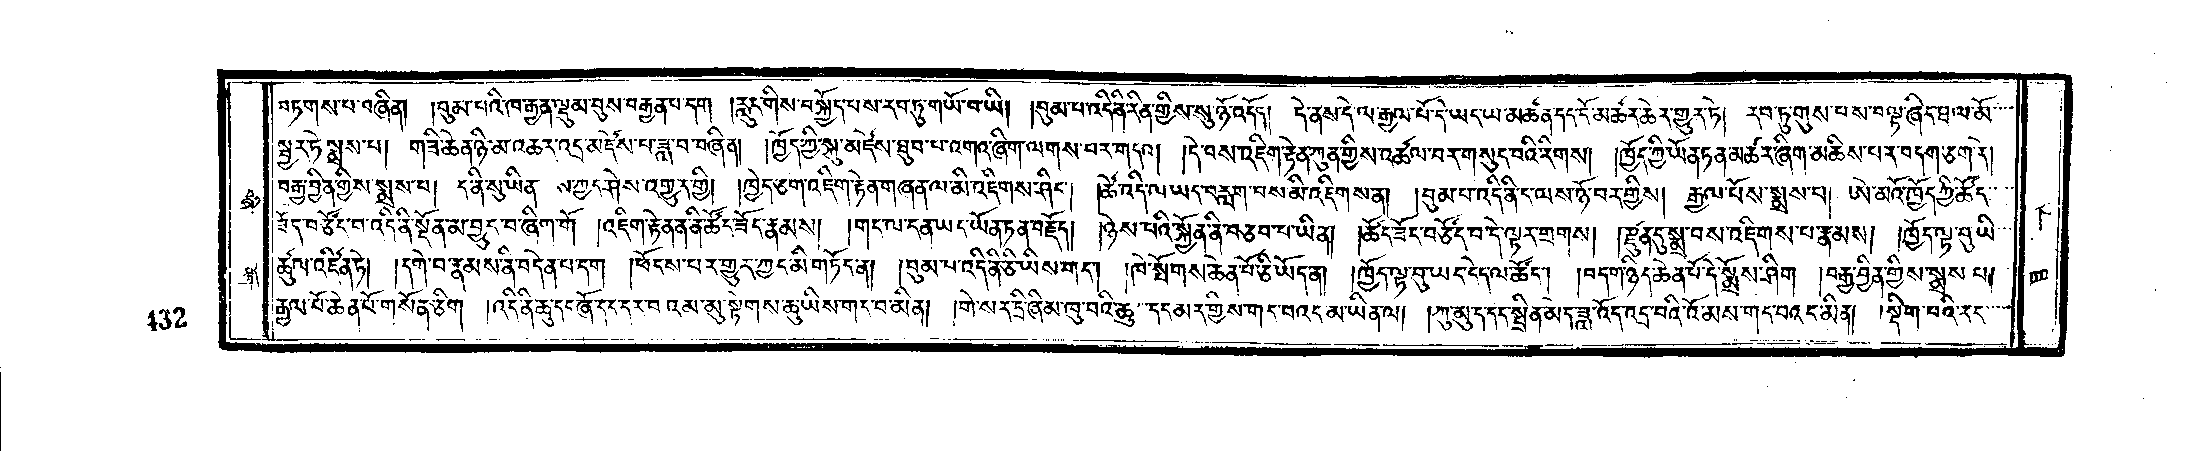བཏགས་པ་བཞིན། །བུམ་པའི་ཁ་རྒྱན་ལྡུམ་བུས་བརྒྱན་པ་དག །རླུང་གིས་བསྐྱོད་པས་རབ་ཏུ་གཡོ་བ་ཡི། །བུམ་པ་འདི་ནི་རིན་གྱིས་སུ་ཉོ་འདོད། དེ་ནས་དེ་ལ་རྒྱལ་པོ་དེ་ཡང་ཡ་མཚན་དང་ངོ་མཚར་ཆེར་གྱུར་ཏེ། རབ་ཏུ་གུས་པས་བལྟ་ཞིང་ཐལ་མོ་
སྦྱར་ཏེ་སྨྲས་པ། གཟི་ཆེན་ཉི་མ་འཆར་འདྲ་མཛེས་པ་ཟླ་བ་བཞིན། །ཁྱོད་ཀྱི་སྐུ་མཛེས་ཐུབ་པ་འགའ་ཞིག་ལགས་པར་གདའ། །དེ་བས་འཇིག་རྟེན་ཀུན་གྱིས་འཚལ་བར་གསུང་བའི་རིགས། །ཁྱོད་ཀྱི་ཡོན་ཏན་མཚར་ཞིག་མཆིས་པར་བདག་ཅག་རེ།
བརྒྱ་བྱིན་གྱིས་སྨྲས་པ། ང་ནི་སུ་ཡིན་ཤེས?་ཀྱང་ཤེས་འགྱུར་གྱི། །ཁྱེད་ཅག་འཇིག་རྟེན་གཞན་ལ་མི་འཇིགས་ཤིང་། །ཚེ་འདི་ལ་ཡང་བརླག་པས་མི་འཇིགས་ན། །བུམ་པ་འདི་ནི་ང་ལས་ཉོ་བར་གྱིས། རྒྱལ་པོས་སྨྲས་པ། ཨེ་མའོ་ཁྱོད་ཀྱི་ཚོང་
ཟོད་བཙོང་བ་འདི་ནི་སྔོན་མ་བྱུང་བ་ཞིག་གོ །འཇིག་རྟེན་ན་ནི་ཚོང་ཟོད་རྣམས། །གང་ལ་ངན་ཡང་ཡོན་ཏན་བརྗོད། །ཉེས་པའི་སྐྱོན་ནི་བཅབ་པ་ཡིན། །ཚོང་ཟོད?་བཙོང་བ་དེ་ལྟར་གྲགས། །རྫུན་དུ་སྨྲ་བས་འཇིགས་པ་རྣམས། །ཁྱོད་ལྟ་བུ་ཡི་
ཚུལ་འཛིན་ཏེ། །དགེ་བ་རྣམས་ནི་བདེན་པ་དག །ཕོངས་པར་གྱུར་ཀྱང་མི་གཏོང་ན། །བུམ་པ་འདི་ནི་ཅི་ཡིས་གང་། །ཁེ་སྤོགས་ཆེན་པོ་ཅི་ཡོད་ན། །ཁྱོད་ལྟ་བུ་ཡང་ངེད་ལ་ཚོང་། །བདག་ཉིད་ཆེན་པོ་དེ་སྨྲོས་ཤིག །བརྒྱ་བྱིན་གྱིས་སྨྲས་པ།
རྒྱལ་པོ་ཆེན་པོ་གསོན་ཅིག །འདི་ནི་ཆུ་དང་ཞོ་དང་དར་བའམ་མུ་སྟེགས་ཆུ་ཡིས་གང་བ་མིན། །གེ་སར་དྲི་ཞིམ་ཁུ་བའི་ཆུ་དང་མར་གྱིས་གང་བའང་མ་ཡིན་ལ། །ཀུ་མུ་ད་དང་སྤྲིན་མེད་ཟླ་འོད་འདྲ་བའི་འོ་མས་གང་བའང་མིན། །སྡིག་པའི་རང་